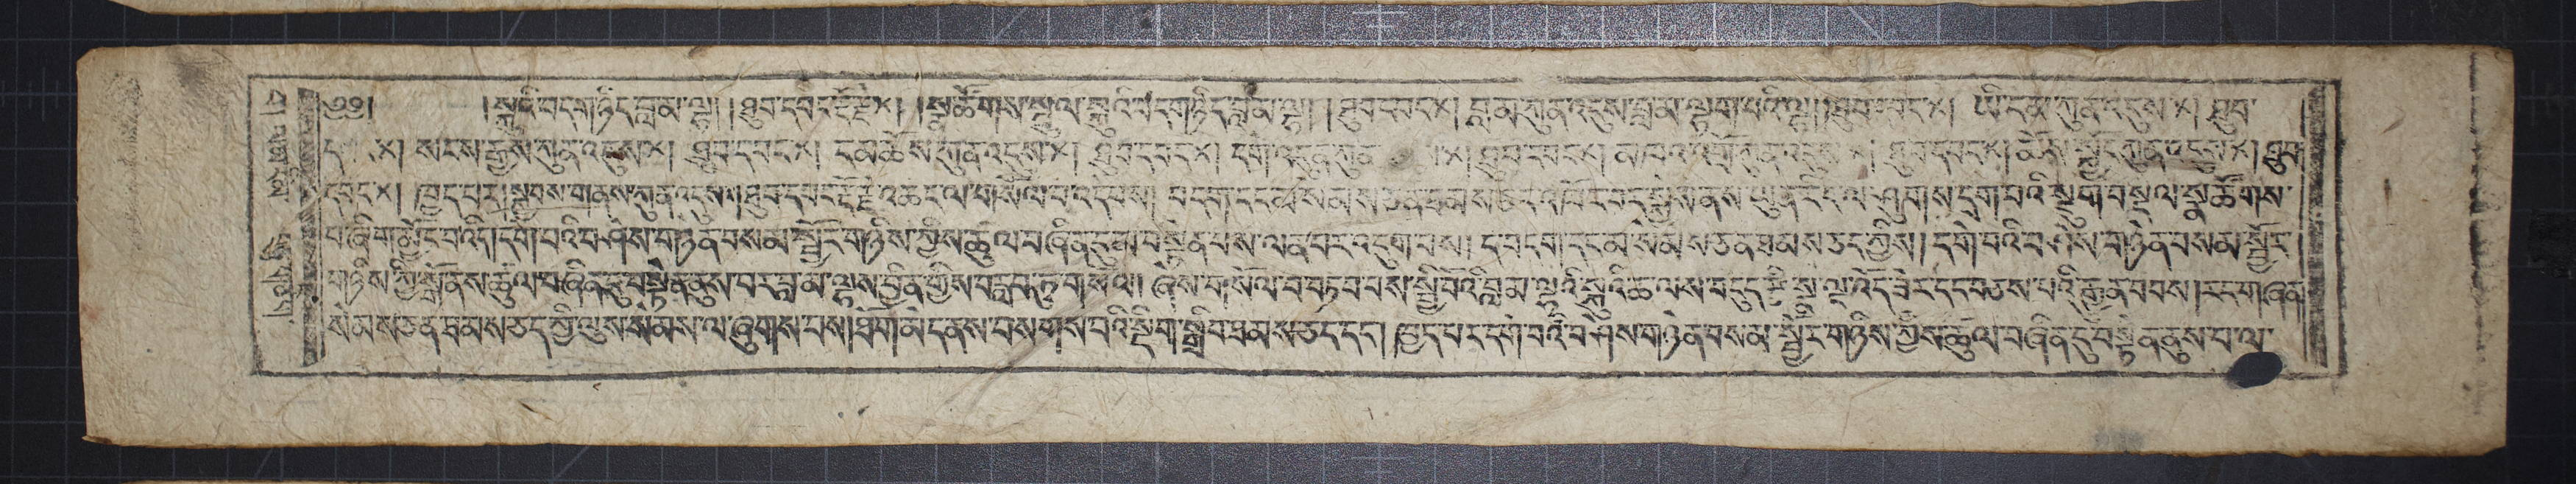༄༅། །སྐུའི་བདག་ཉིད་བླ་མ་ལྷ། །ཐུབ་དབང་རྡོ་རྗེ་྾། །སྣ་ཚོགས་སྤྲུལ་སྐུའི་བདག་ཉིད་བླ་མ་ལྷ། །ཐུབ་དབང་྾། བླ་མ་ཀུན་འདུས་བླ་མ་ལྷག་པའི་ལྷ། །ཐུབ་དབང་྾།། ཡི་དམ་ཀུན་འདུས་྾། ཐུབ་
དབང་྾། སངས་རྒྱས་ཀུན་འདུས་྾། ཐུབ་དབང་྾། དམ་ཆོས་ཀུན་འདུས་྾། ཐུབ་དབང་། དགེ་འདུན་ཀུན་འདུས་྾། ཐུབ་དབང་྾། མཁའ་འགྲོ་ཀུན་འདུས་྾། ཐུབ་དབང་྾། ཆོས་སྐྱོང་ཀུན་འདུས་྾། ཐུབ་
དབང་྾། ཁྱད་པར་སྐྱབས་གནས་ཀུན་འདུས། ཐུབ་དབང་རྡོ་རྗེ་འཆང་ལ་གསོལ་བ་འདེབས། བདག་དང་མ་སེམས་ཅན་ཐམས་ཅད་འཁོར་བར་སྐྱེས་ནས་ཡུན་རིང་ལ་ཤུགས་དྲག་པོའི་སྡུག་བསྔལ་སྣ་ཚོགས་
པ་ཞིག་མྱོང་བ་འདི། དགེ་བའི་བཤེས་གཉེན་བསམ་སྦྱོར་གཉིས་ཀྱིས་ཚུལ་བཞིན་དུ་མ་བསྟེན་པས་ལེན་པར་འདུག་པས། ད་བདག་དང་མ་སེམས་ཅན་ཐམས་ཅད་ཀྱིས། དགེ་བའི་བཤེས་གཉེན་བསམ་སྦྱོར་
གཉིས་ཀྱི་སྒོ་ནས་ཚུལ་བཞིན་དུ་བསྟེན་ནུས་པར་བླ་མ་ལྷས་བྱིན་གྱིས་བརླབ་ཏུ་གསོལ། ཞེས་གསོལ་བ་བཏབ་པས་སྤྱི་བོའི་བླ་མ་ལྷའི་སྐུའི་ཆ་ལས་བདུད་རྩི་སྣ་ལྔ་འོད་ཟེར་དང་བཅས་པའི་རྒྱུན་བབས། རང་གཞན་
སེམས་ཅན་ཐམས་ཅད་ཀྱི་ལུས་སེམས་ལ་ཞུགས་པས། ཐོག་མེད་ནས་བསགས་པའི་སྡིག་སྒྲིབ་ཐམས་ཅད་དང་། ཁྱད་པར་དགེ་བའི་བཤེས་གཉེན་བསམ་སྦྱོར་གཉིས་ཀྱིས་ཚུལ་བཞིན་དུ་བསྟེན་ནུས་པ་ལ་